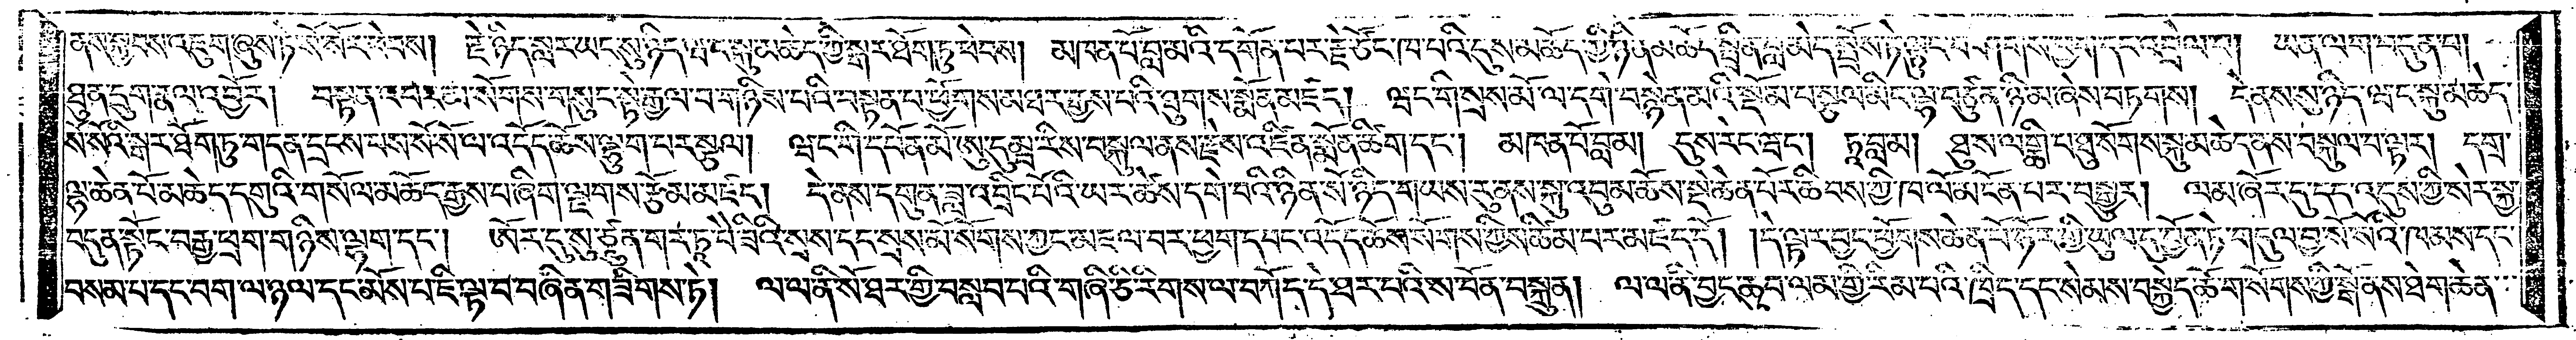ནས་སྐྱབས་འཇུག་ཞུས་ཏེ་སོ་སོར་ཕེབས། རྗེ་ཉིད་སླར་ཡང་སུ་ཉིད་ཝང་སྐུ་མཆེད་ཀྱི་སྒར་ཐོག་ཏུ་ཕེབས། མཁན་པོ་བླ་མའི་དགོན་པར་རྗེ་ཙོང་ཁ་པའི་དུས་མཆོད་ཀྱི་ཉིན་མཆོད་སྤྲིན་བླ་མེད་སྤྲོས་ཏེ་ལྟུང་བཤགས་ཕྱག་དང་འབྲེལ་བ། ཡན་ལག་བདུན་པ།
ཐུན་དྲུག་རྣལ་འབྱོར། བསྟན་འབར་མ་སོགས་གསུང་སྟེ་རྒྱལ་བ་གཉིས་པའི་བསྟན་པ་ཕྱོགས་མཐར་རྒྱས་པའི་ཐུགས་སྨོན་མཛད། ཝང་གི་སྲས་མོ་ལ་དགེ་བསྙེན་མའི་སྡོམ་པ་སྩལ་མིང་ལྷ་བཙུན་ཉི་མ་ཞེས་བཏགས། དེ་ནས་སུ་ཉིད་ཝང་སྐུ་མཆེད་
སོ་སོའི་སྒར་ཐོག་ཏུ་གདན་དྲངས་པས་སོ་སོ་ལ་འདོད་ཆོས་ལྷུག་པར་སྩལ། ཝང་གི་དཔོན་མོ་ཨུ་དུམྦ་རིས་བསྐུལ་ནས་རྗེས་འཛིན་སྨོན་ཚིག་དང་། མཁན་པོ་བླ་མ། དུས་རེང་ཝང་། ཏཱ་བླ་མ། ཐུས་ལགྖི་པ་ཐུ་སོགས་སྐུ་མཆེད་ནས་བསྐུལ་བ་ལྟར། དགྲ་
ལྷ་ཆེན་པོ་མཆེད་དགུའི་གསོལ་མཆོད་རྒྱས་པ་ཞིག་ལྗགས་རྩོམ་མཛད། དེ་ནས་དགུན་བླ་འབྲིང་པོའི་ཡར་ཚེས་དགེ་བའི་ཉིན་སོ་ཉིད་གཡས་རུ་ནས་སྐུ་འབུམ་ཆོས་སྡེ་ཆེན་པོར་ཆིབས་ཀྱི་ཁ་ལོ་མངོན་པར་བསྒྱུར། ལམ་ཞོར་དུ་དང་འདུས་ཀྱི་སེར་སྐྱ་
བདུན་སྟོང་བརྒྱ་ཕྲག་གཉིས་ལྷག་དང་། ཨོར་དུ་སུ་ཙཱུན་གར་ཏཱ་པཻ་ཟིའི་སྲས་དང་སྲས་མོ་སོགས་ཀྱང་མཇལ་བར་ཕྱག་དབང་འདོད་ཆོས་སོགས་ཀྱིས་ཚིམ་པར་མཛད་དོ། །དེ་ལྟར་བྱང་ཕྱོགས་ཆེན་པོ་ཧོར་གྱི་ཡུལ་དུ་བྱོན་ཏེ་གདུལ་བྱ་སོ་སོའི་ཁམས་དང་
བསམ་པ་དང་བག་ལ་ཉལ་དང་མོས་པ་ཇི་ལྟ་བ་བཞིན་གཟིགས་ཏེ། ལ་ལ་ནི་སོ་ཐར་གྱི་བསླབ་པའི་གཞི་ཅི་རིགས་ལ་བཀོད་དེ་ཐར་པའི་ས་བོན་བསྐྲུན། ལ་ལ་ནི་བྱང་ཆུབ་ལམ་གྱི་རིམ་པའི་ཁྲིད་དང་སེམས་བསྐྱེད་ཆོ་ག་སོགས་ཀྱི་སྒོ་ནས་ཐེག་ཆེན་